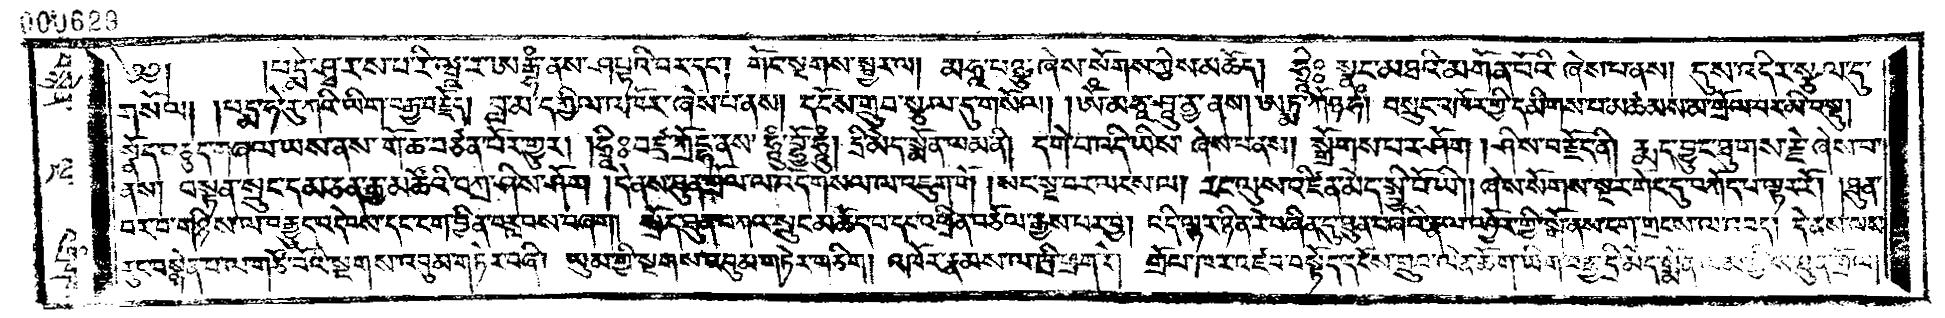༄༅། །པདམེ་ཤྭ་ར་ས་པ་རི་ཝཱ་ར་ཨརྒྷཾ་ནས་ཤཔྟའི་བར་དང་། གོང་སྔགས་སྦྱར་ལ། མཧཱ་པཉྩ་ཞེས་སོགས་ཀྱིས་མཆོད། ཧྲཱིཿ སྣང་མཐའི་མགོན་པོའི་ཞེས་པ་ནས། དུས་འདིར་སྩལ་དུ་
གསོལ། །པདམ་ཧེ་རུ་ཀའི་ཡིག་བརྒྱ་བརྗོད། བླ་མ་དཀྱིལ་འཁོར་ཞེས་པ་ནས། དངོས་གྲུབ་སྩལ་དུ་གསོལ། །ཨོཾ་མཧཱ་ཤཱུ་ནྱ་ནས། ཨཏྨ་ཀོཉ་ཧཾ། བསྲུང་འཁོར་གྱི་དམིགས་པ་མཚམས་མ་གྲོལ་བར་མི་བསྡུ།
སྣོད་བཅུད་གཞལ་ཡས་ནས་གོ་ཆ་བཙན་པོར་གྱུར། །ཧྲཱིཿ བཛྲ་ཀྲོདྷ་ནས་ཧཱུཾ་བྷྱོ་ཧཱུཾ། དྲི་མེད་སྨོན་ལམ་ནི།  དགེ་བ་འདི་ཡིས་ཞེས་པ་ནས། སྒྲོགས་པར་ཤོག །ཤིས་བརྗོད་ནི། རྨད་བྱུང་ཐུགས་རྗེ་ཞེས་པ་
ནས། བསྟན་སྲུང་དམ་ཅན་རྒྱ་མཚོའི་བཀྲ་ཤིས་ཤོག །དེ་ནས་ཐུན་གྲོལ་ལ་འོད་གསལ་ལ་འཇུག་གོ །སང་སྔ་བར་ལངས་ལ། རང་ལུས་འཛིན་མེད་སྤྱི་བོ་ཡི། །ཞེས་སོགས་སྔར་གོང་དུ་བཀོད་པ་ལྟར་རོ། །ཐུན་
བར་པ་གཉིས་ལ་བརྒྱུད་འདེབས་དང་ངག་བྱིན་བརླབས་བཞག །སྲོད་ཐུན་བཀའ་སྲུང་མཆོད་པ་དང་འཕྲིན་བཅོལ་རྒྱས་པར་བྱ། འདི་ལྟར་ཉིན་རེ་བཞིན་དུ་ཐུན་བཞིའི་རྣལ་འབྱོར་གྱི་སྒོ་ནས་ངག་གྲངས་ལ་འབད། དེ་ནས་ལས་
རུང་བསྙེན་པ་ལ་གཙོ་བོའི་སྔགས་འབུམ་གཏེར་བཞི། ཡུམ་གྱི་སྔགས་འབུམ་གཏེར་གཅིག །འཁོར་རྣམས་ལ་ཁྲི་ཕྲག་རེ། གྲོལ་ཁར་འཛབ་བསྟོད་དངོས་གྲུབ་ལེན་ཆོག་ཡིག་བརྒྱ་དྲི་མེད་སྨོན་ལམ་གྱིས་ཐུན་གྲོལ།